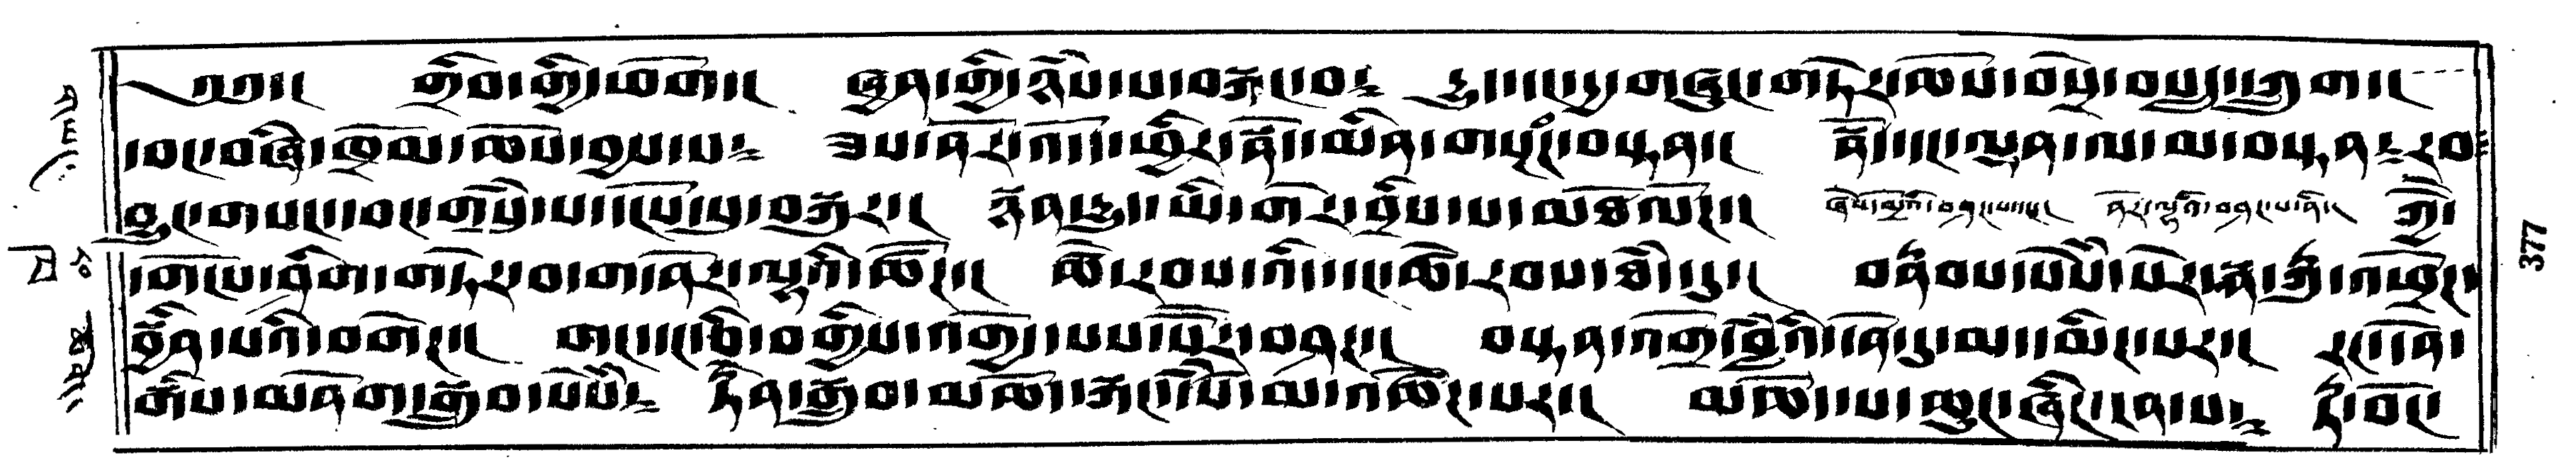གྲིབ་ཀྱིས་ཕོག གཞན་གྱི་ཉམས་པ་བསྐང་བ༴ རྒྱུད་དང་རྒྱ་གཞུང་གཏེར་ཆོས་བསྲེ་བསླད་དཀྲུག།
དབང་བཞི་ཁྲོམ་ཆོས་བྱས་པ༴ ཟས་ནོར་འདོད་ཕྱིར་སྣོད་མིན་གསང་སྔགས་བསྟན། །སྣོད་དང་ལྡན་ལ་མ་བསྟན་༴ རབ་
བྱུང་གསང་དབང་གསུམ་པ་དངོས་སུ་བསྐུར། །སྙན་རྒྱུད་ཡི་གེར་བྲིས་པ་མཐོལ་ལོ་བཤགས། ཞེས་མཁའ་འགྲོའི་བཤགས་པ་དང་། ནོར་ལྷའི་བཤགས་པ་ནི། ཀྱཻ། 
དགོངས་ཤིག་གཏེར་བདག་ནོར་ལྷའི་ཚོགས། །ཚེ་རབས་འདི་དང་ཚེ་རབས་ཐམས་ཅད་དུ། །བརྣབ་སེམས་སེར་སྣ་རྐུ་འཕྲོག་
སྦྱིན་པའི་གེགས། །གང་དང་ཅི་བགྱིས་འགྱོད་པས་སོ་སོར་བཤགས། །བསྟན་འགྲོ་བླ་མའི་དོན་དུ་མ་དམིགས་པར། །རང་དོན་
གྱིས་མནོག་སྒྲུབ་སེམས༴ རྟེན་སྒྲུབ་མཆོད་བསྐང་དམ་རྫས་མ་འཚོགས་པར། །མཆོད་པ་ཆུང་ཞིང་ངན་པ༴ རྟ་བོང་